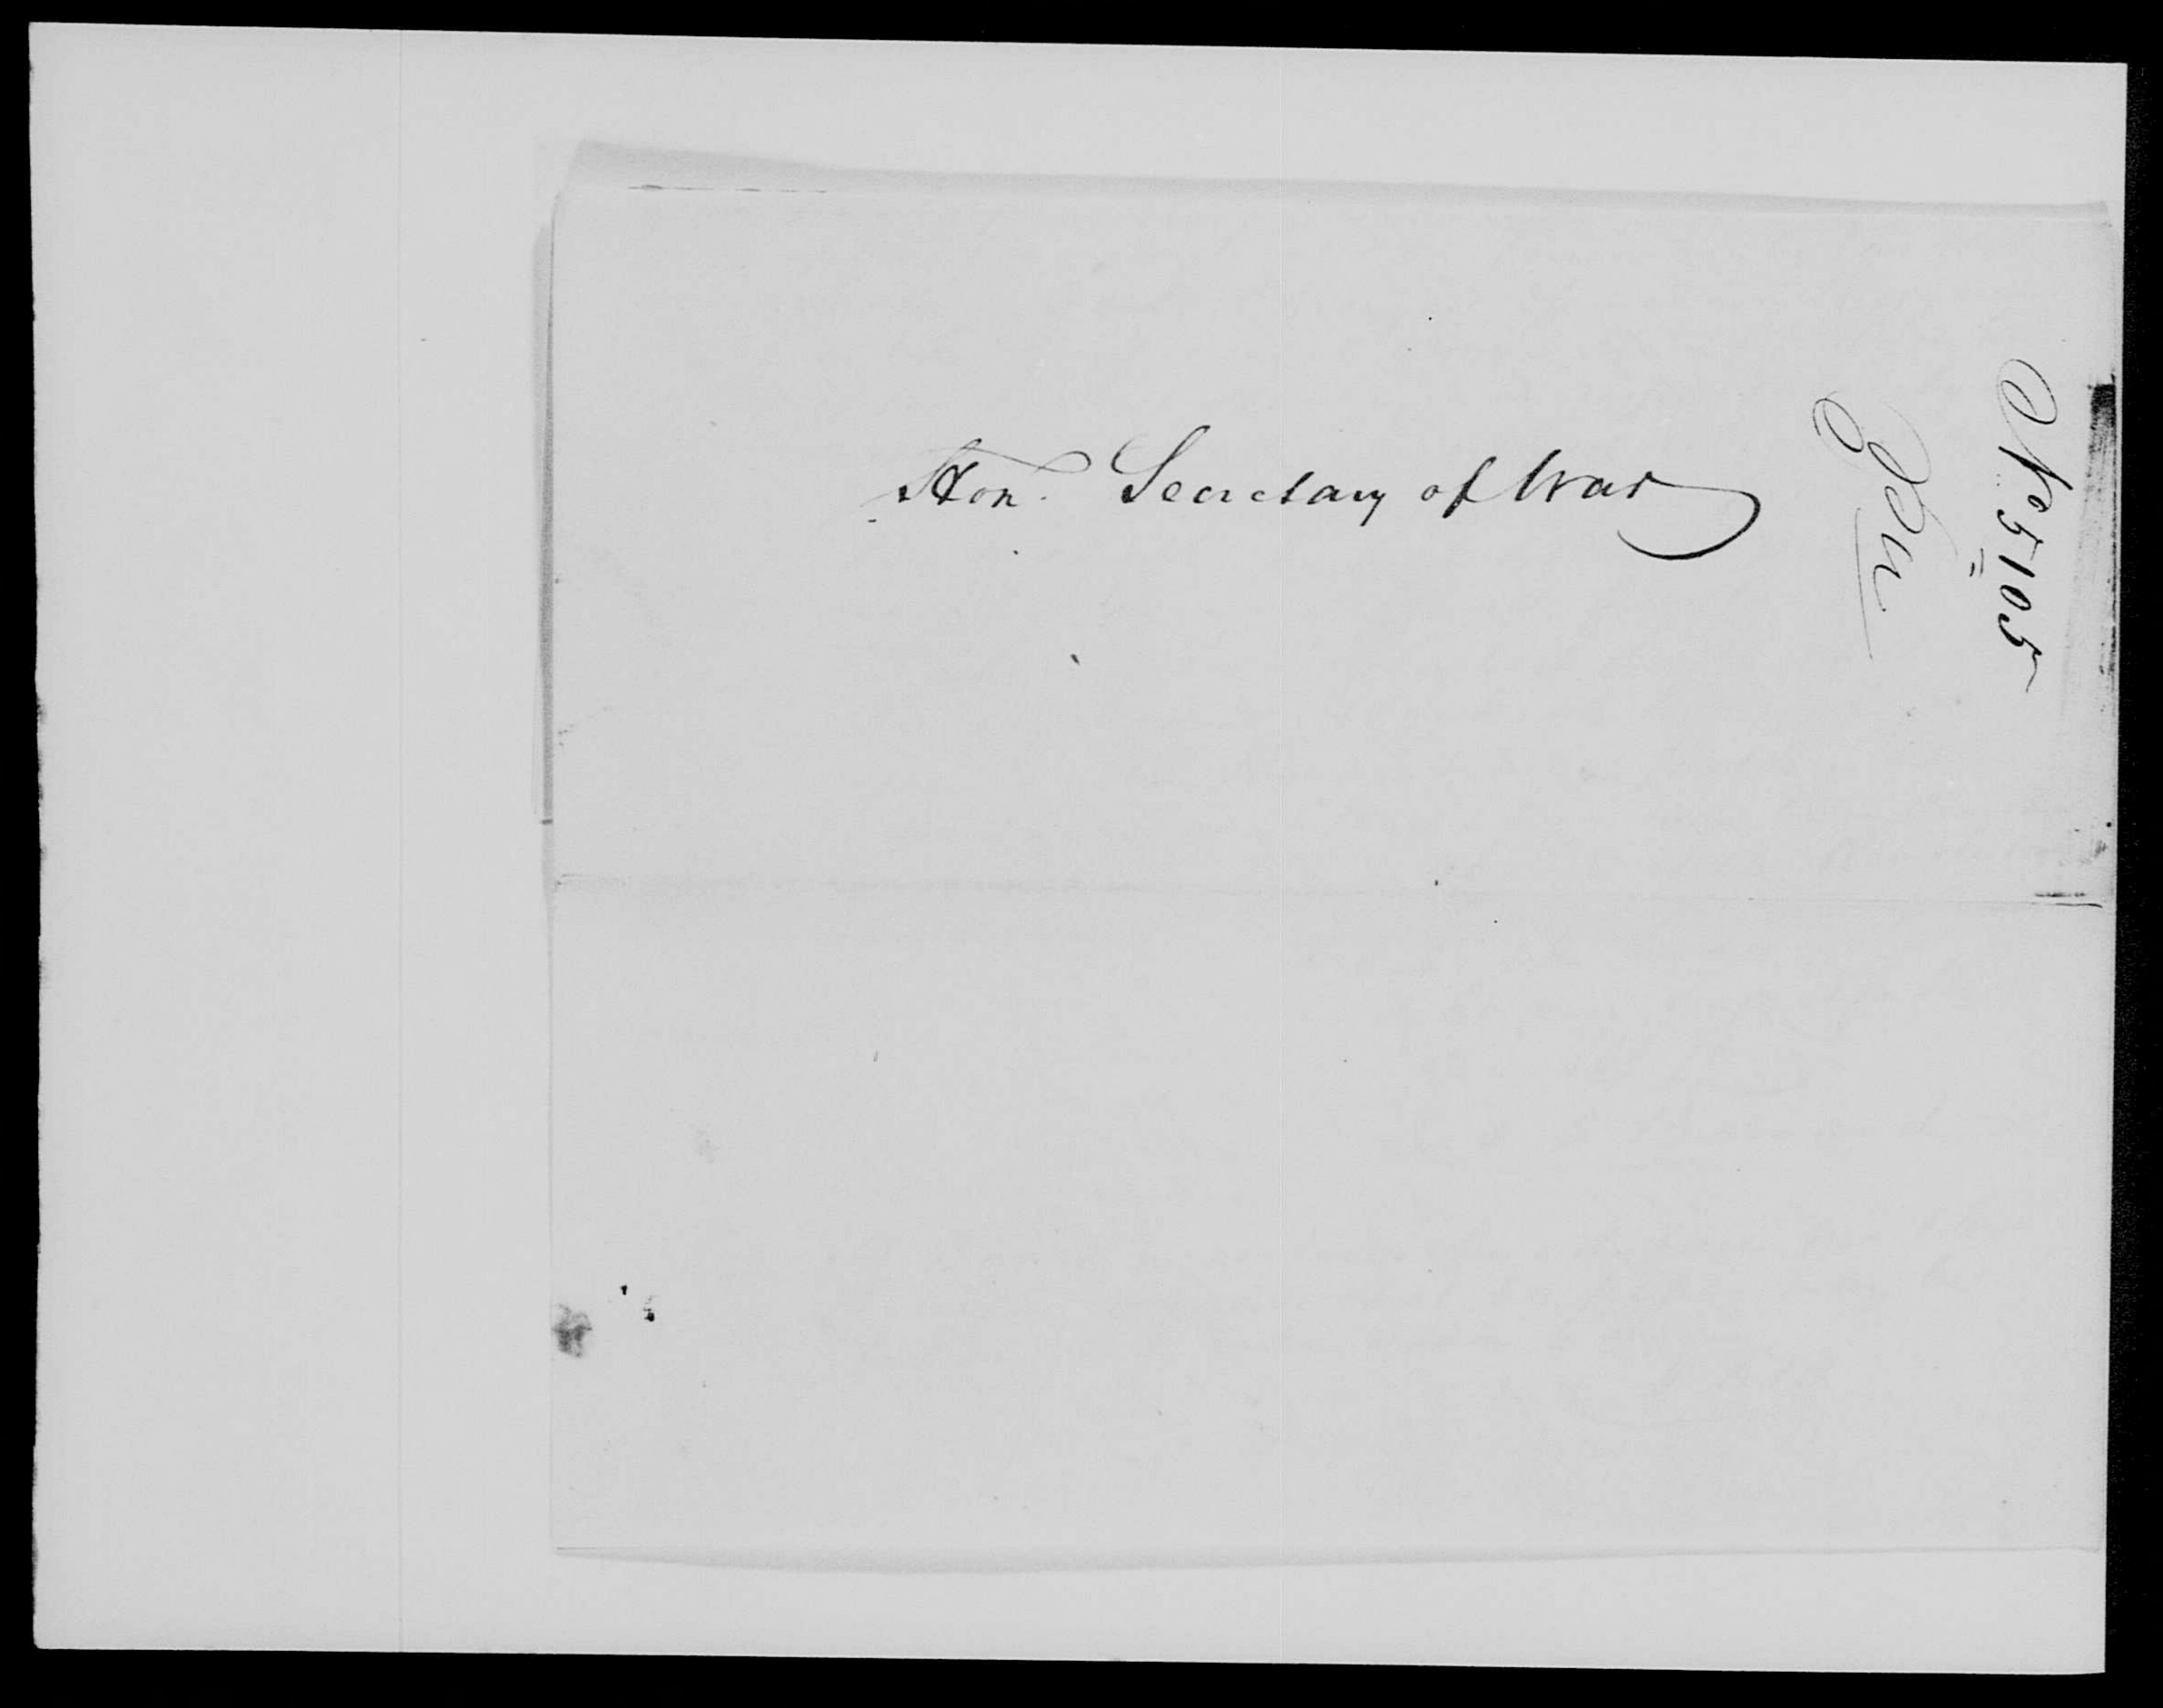Hon. Secretary of War
No 5105 
C {illegible]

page: 40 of 57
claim: survivor's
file: S. 2161, Hezekiah Davies, Penn